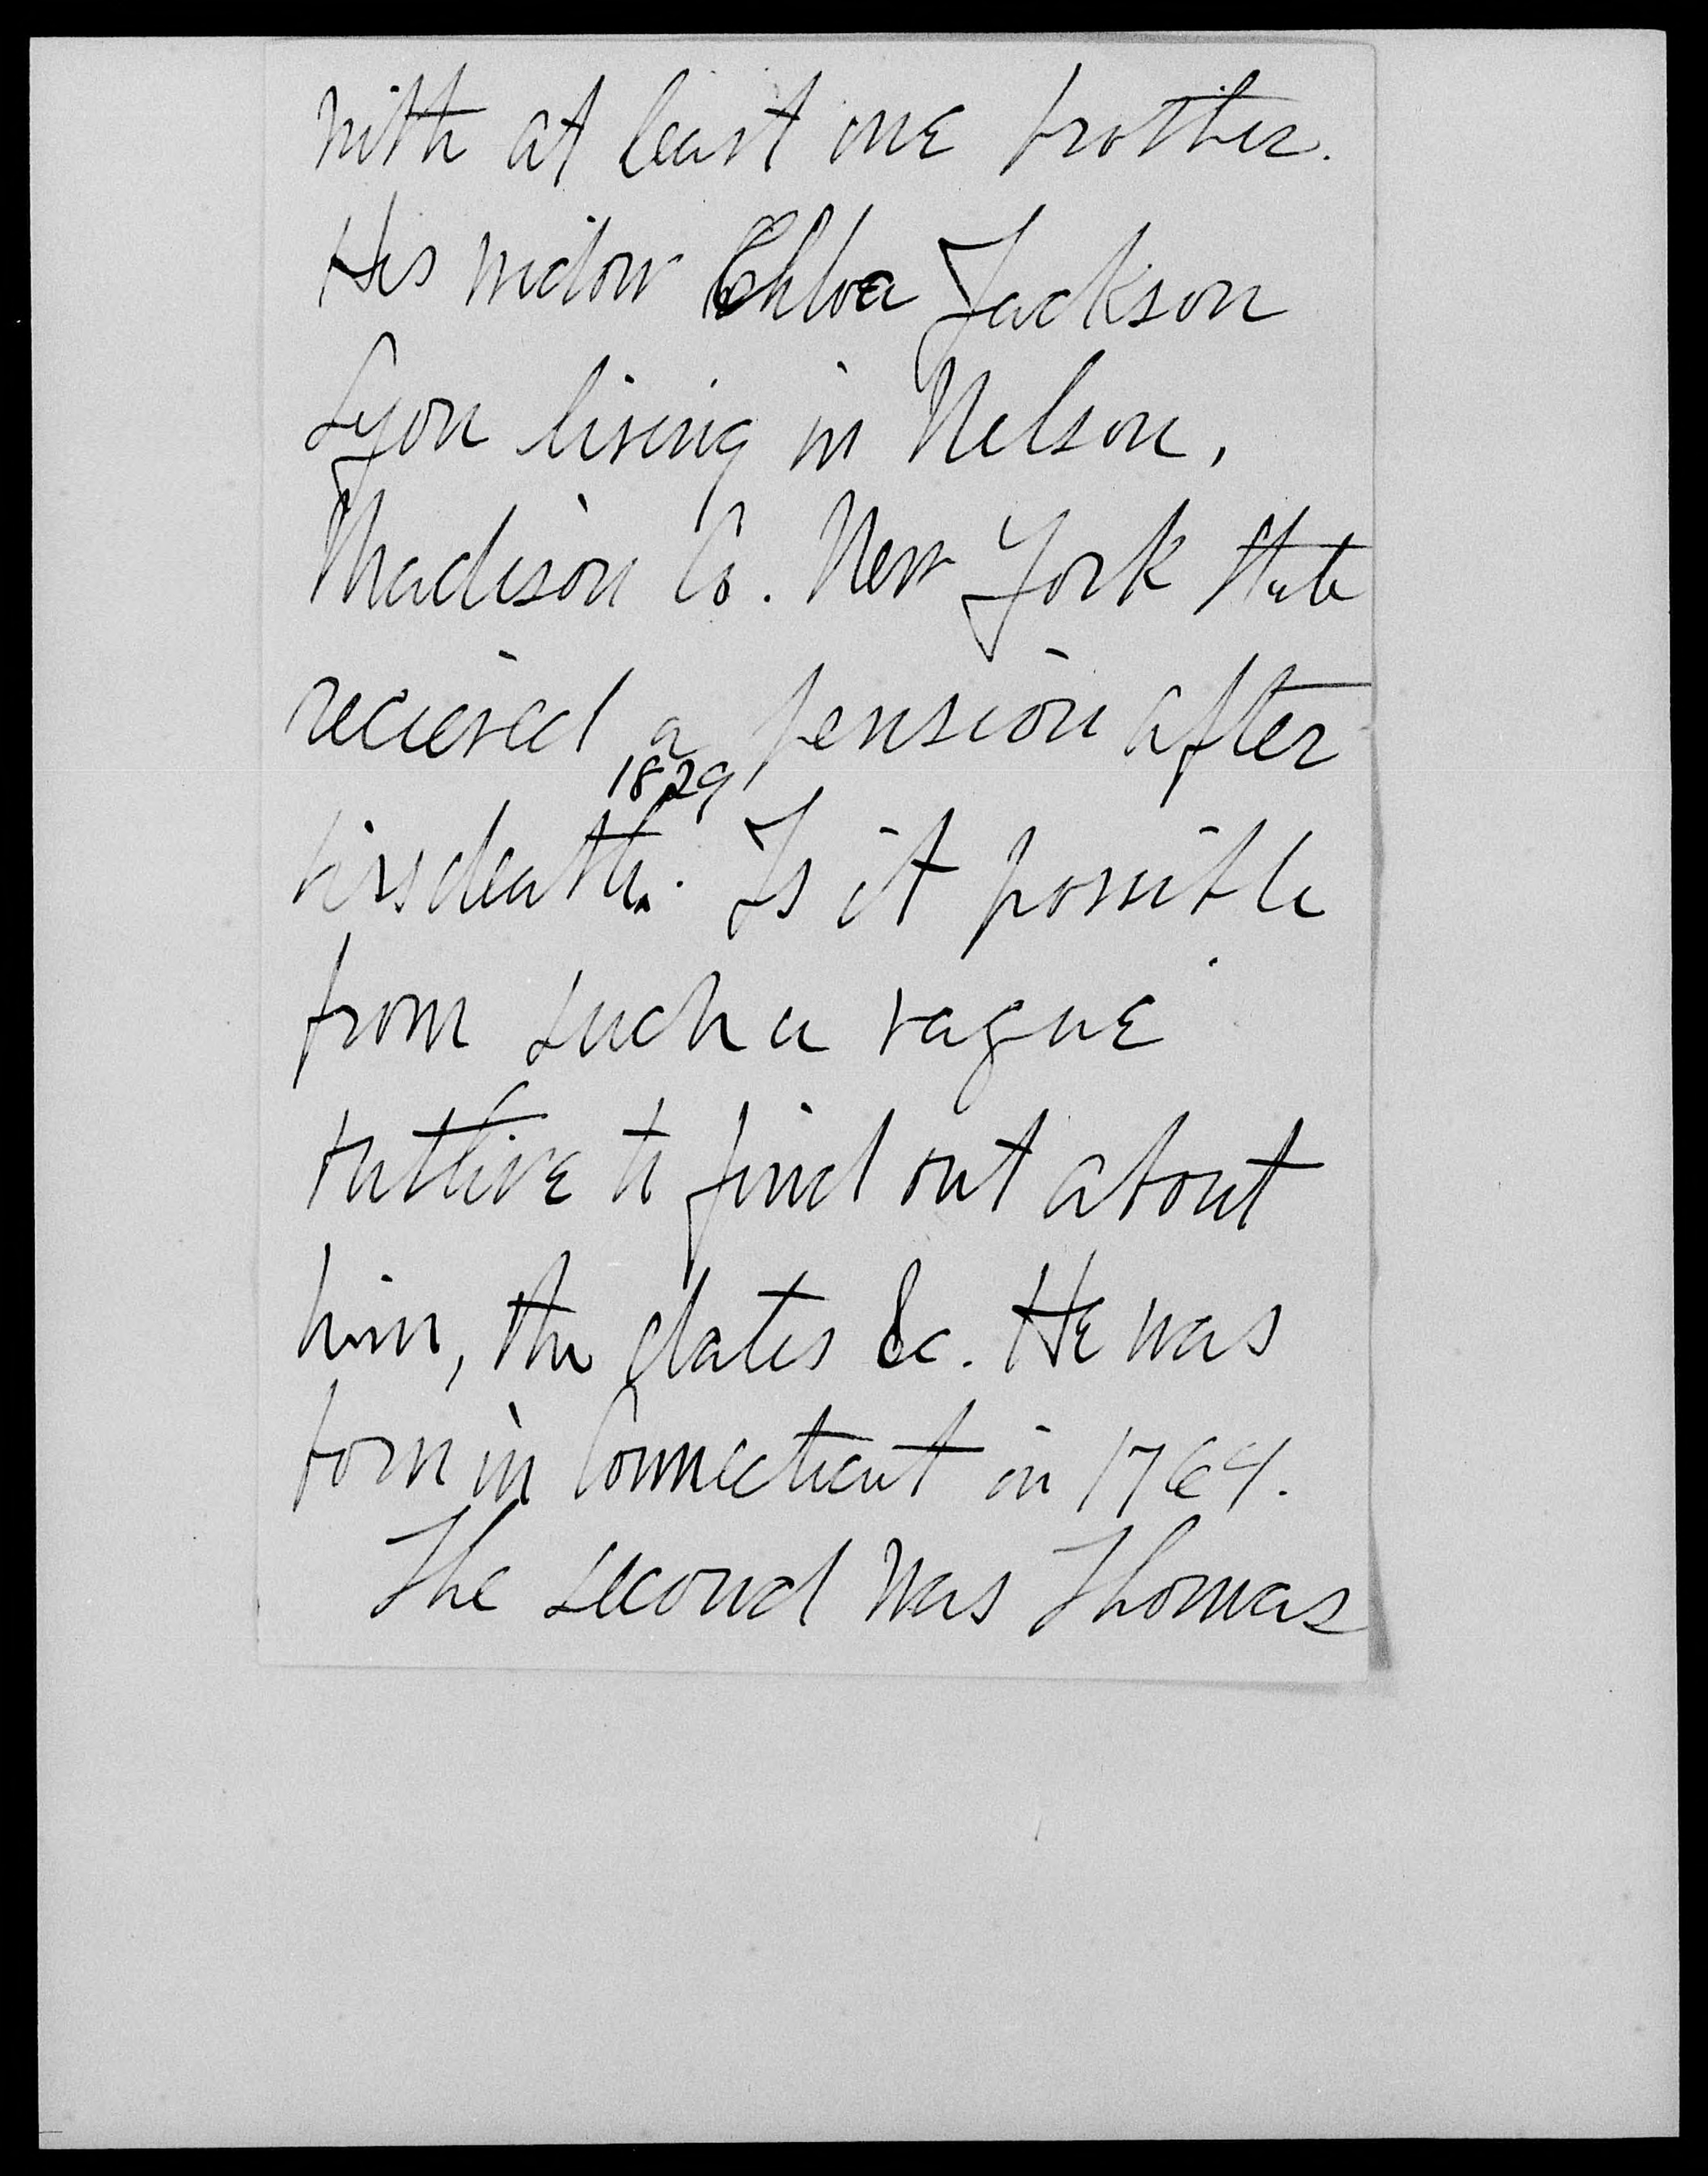with at least one brother. His widow Chloe Jackson Lyon living in Nelson, Madison Co. New York State recieved a pension after his death in 1829. Is it possible from such a vague outline to find out about him, the dates &c. He was born in Connecticut in 1764.
The second was Thomas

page: 19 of 40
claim: widow's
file: W. 24,615, for Ebenezer Lyon, Connecticut